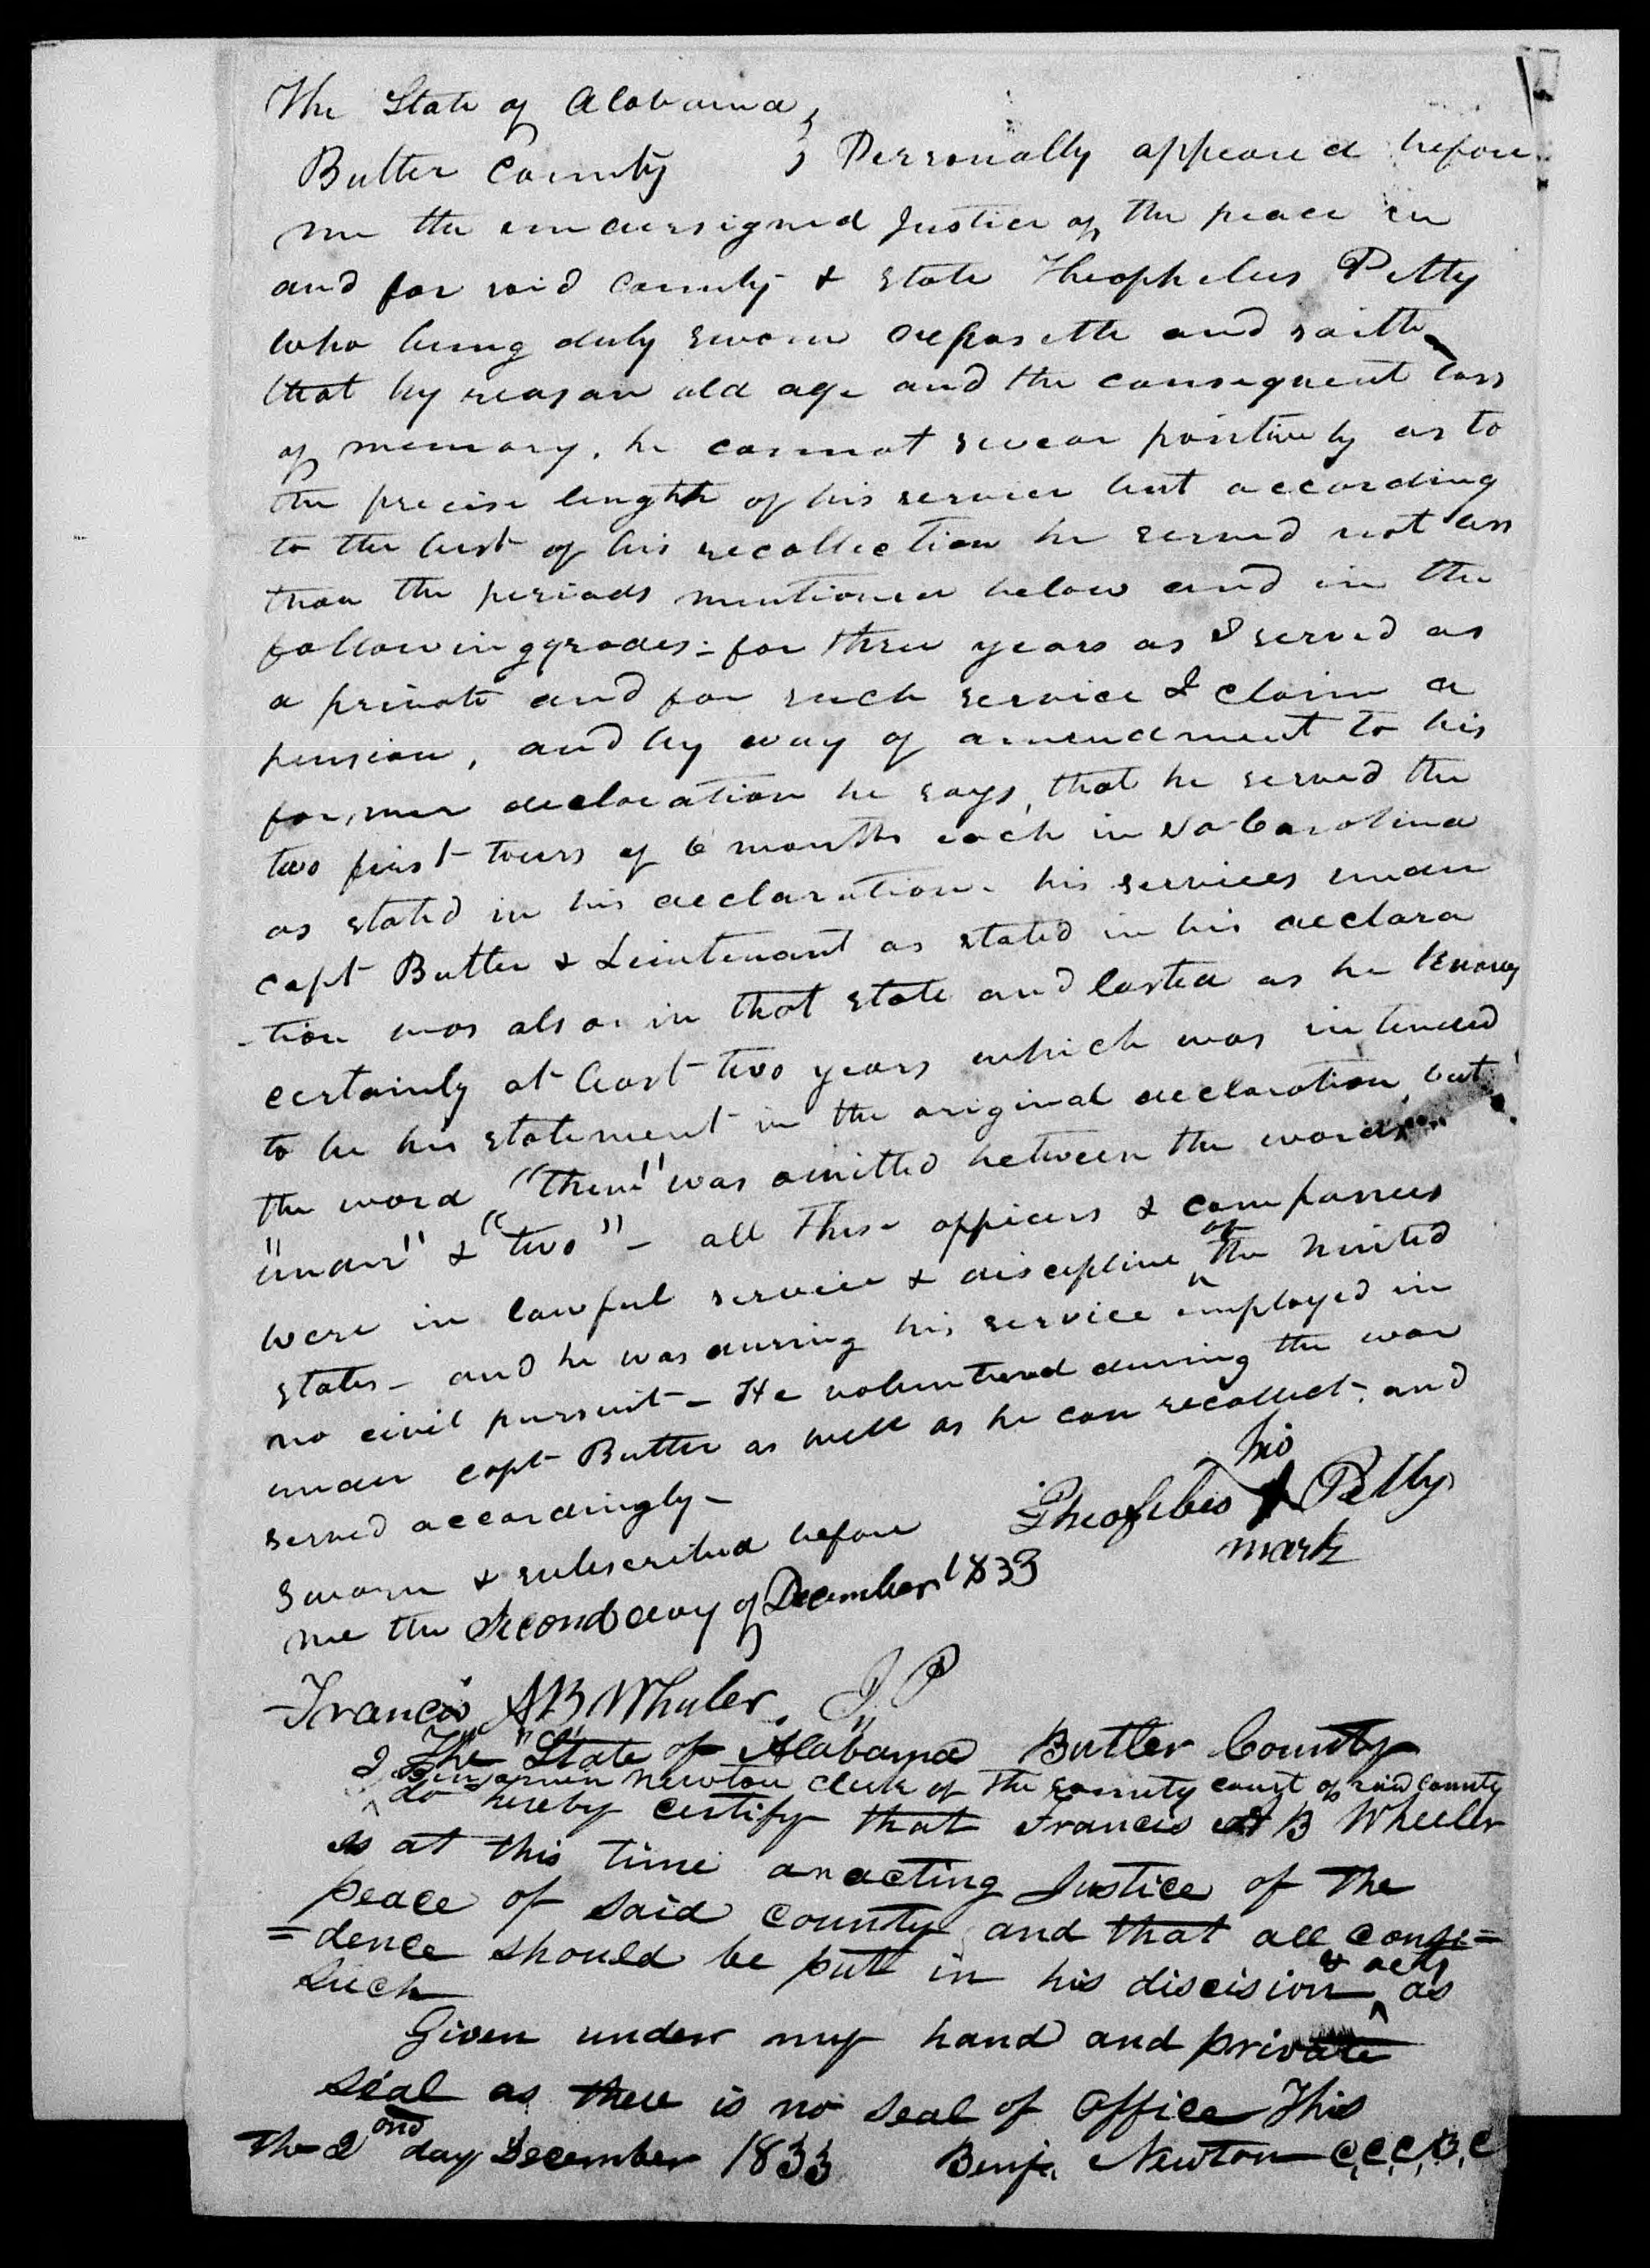The state of Alabama
Butler County} Personally appeared before me the undersigned justice of the peace in and for said county & state Theophilus Petty who being duly sworn deposeth and saith that by reason old age and the consequent loss of memory he cannot swear postively as to the precise length of his service but according to the best of his recollection he served not less than the periods mentioned below and in the following grades - for three years as I served as a private and for such service I claim a pension and by way of amendment to his former declaration he says that he served the two first tours of 6 months each in No Carolina as stated in his declaration his services under Capt Butler & Lieutenant as stated in his declaration was also in that state and Carted as he knows certainly at about two years which was intended to be his statement in the original declaration but the word "them" was omitted between the words "man" & "two" all this officers & companies were in lawful service & discipline of the United States and he was durring his service employed in civil pursuit He volunteered during the war under capt Butler as well as he can recollect and served accordingly Theofiles Petty
his X mark
Sworn & subscribed before me the second day of December 1833
Francis AB Wheeler JP
The state of Alabama Butler County
I Benjamin Newton clerk of the county court of said county do hereby certify that Francis AB Wheeler is at this time an acting Justice of the peace of said county and that all confidence should be put in his disision & acts as such 
Given under my hand and private seal as there is no seal of offict This the 2nd day December 1833 Benj Newton CCCBC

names: [BLANK] Butler; Francis A B Wheeler; Theophilus Petty; Benj Newton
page: 22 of 26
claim: rejected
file: R. 8,161, for Theophilus Petty, South Carolina